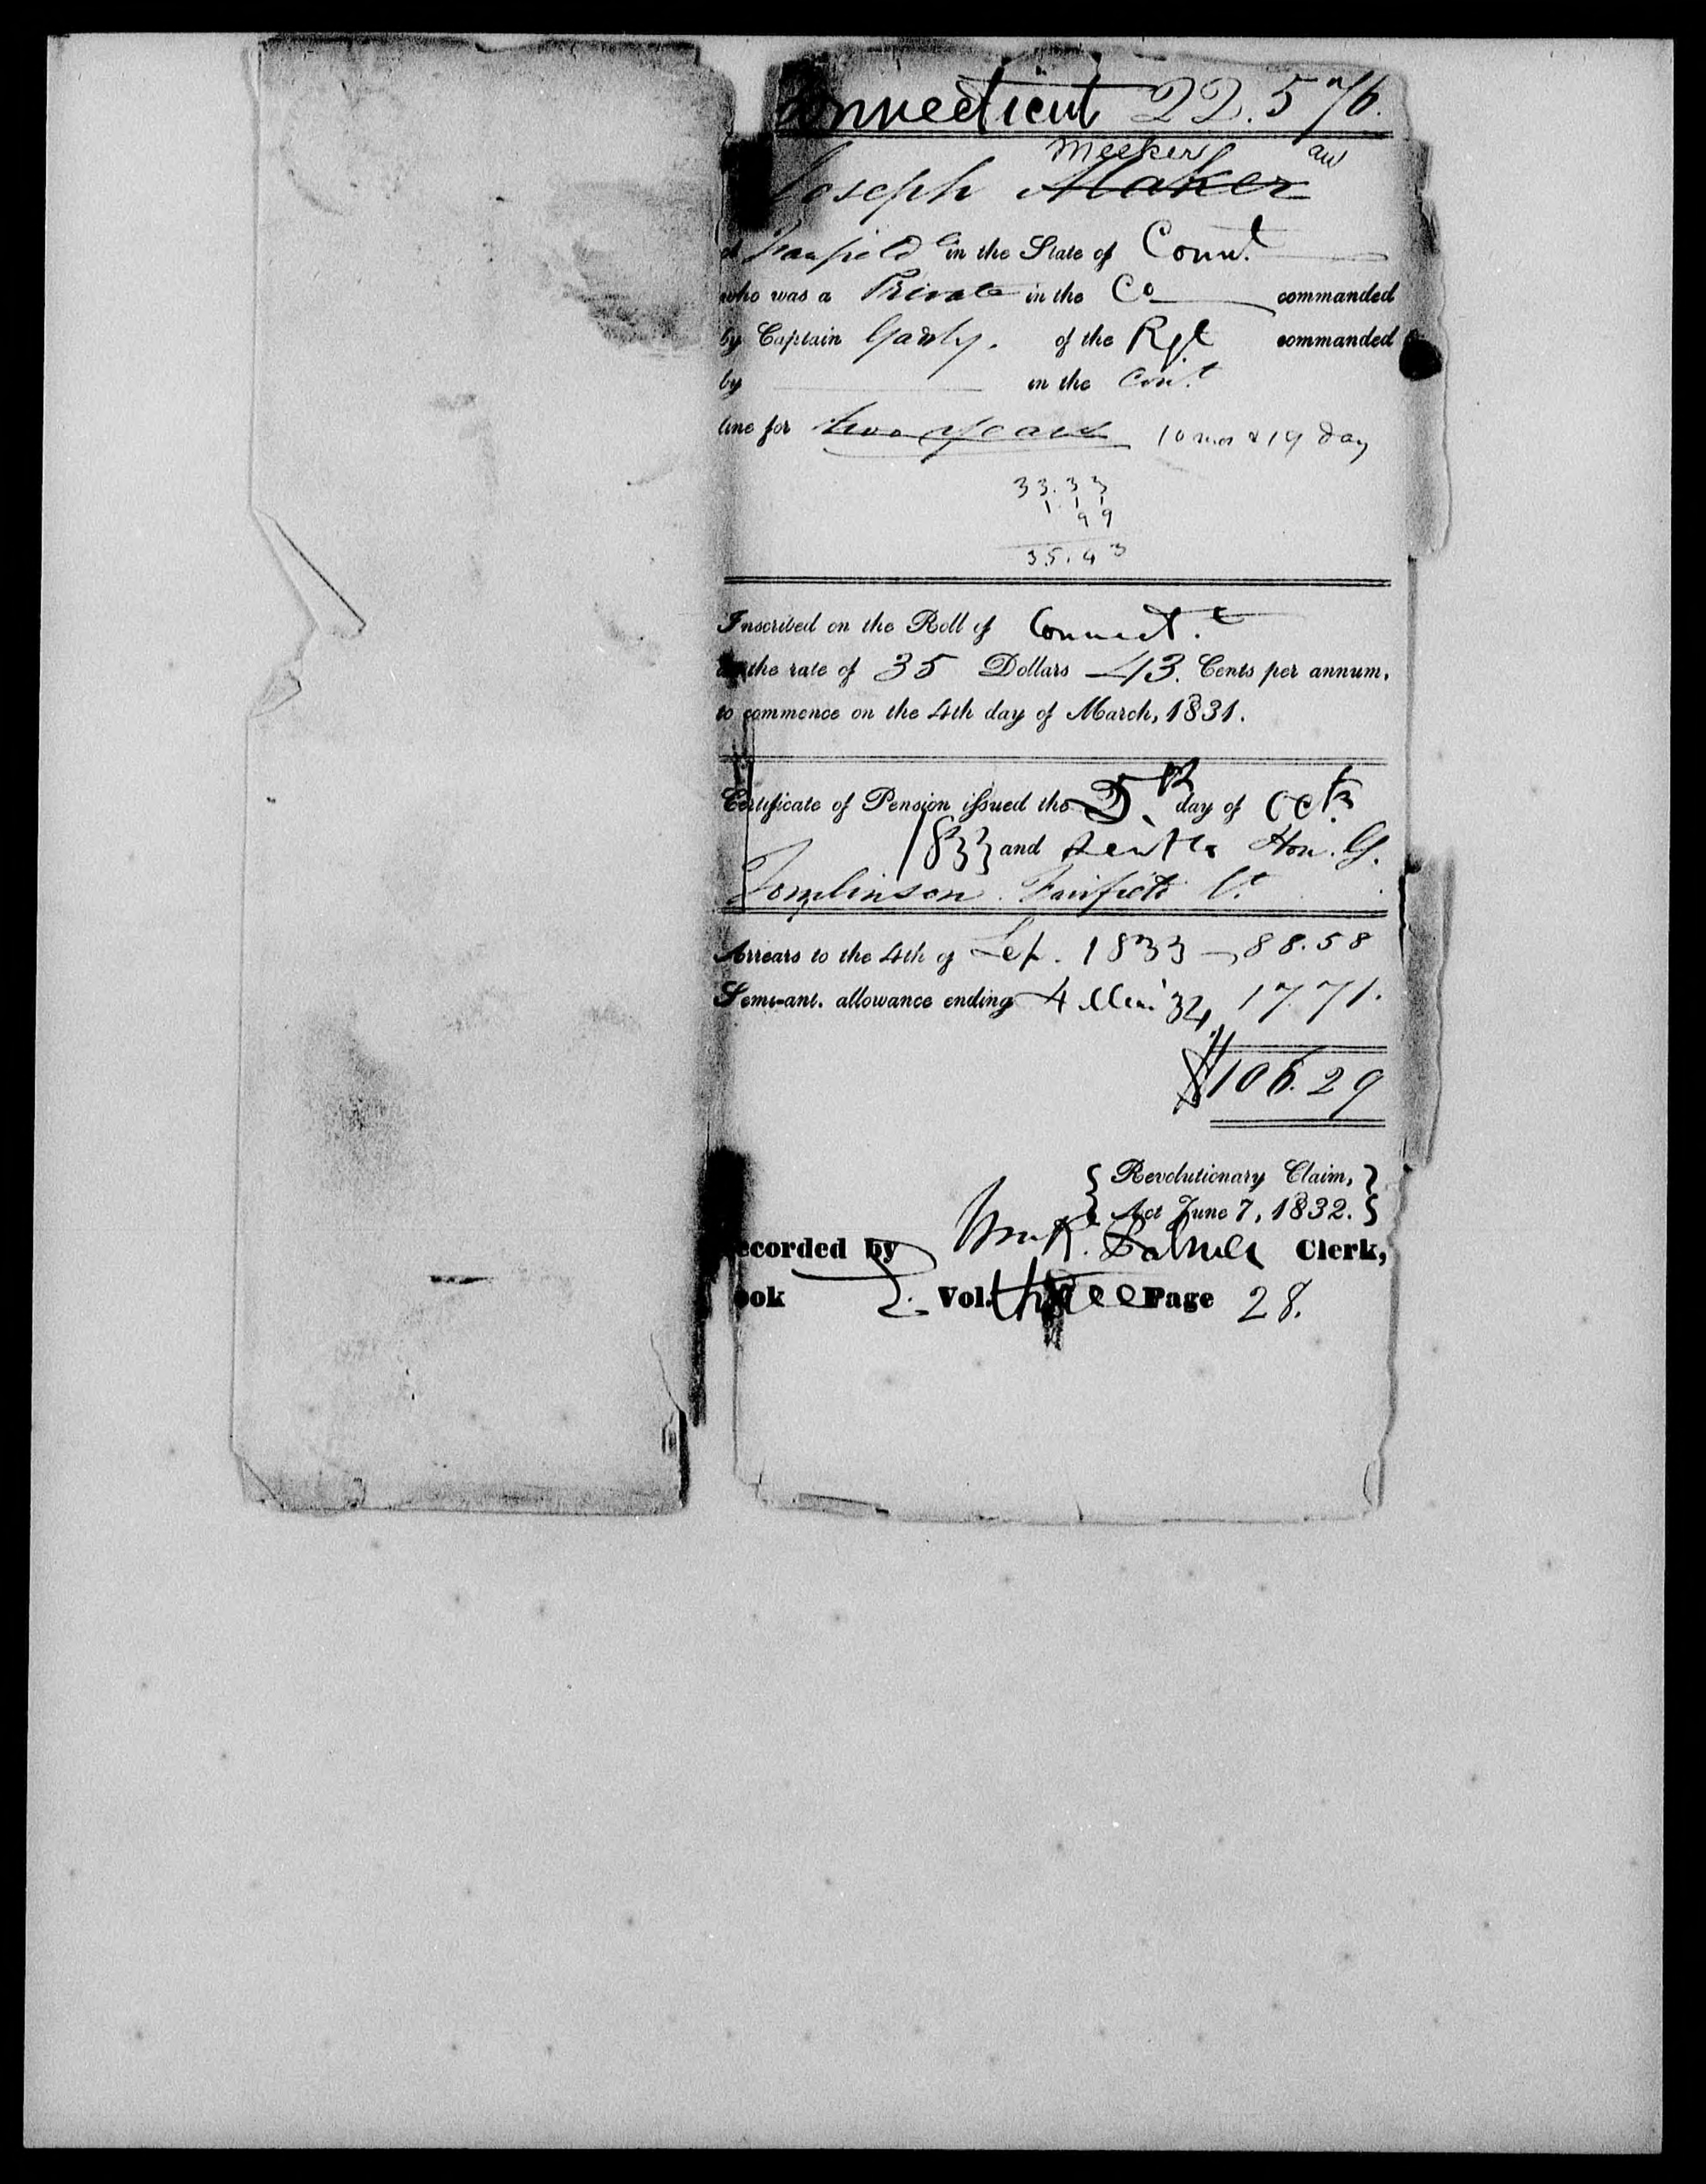Connecticut    22, 576

Joseph Maker [crossed out] Meeker written 
                      above
of Fairfield in the State of Connt.\ who was a Private on the Co commanded by Captain Gadly, of the Rgt commanded by _______________________ in the Con't line for 10 mos & 14 day
                             33.33
                               1.11
                                 99
                            ______
                            35.43

________________________________________________
Inscribed on the Roll of Connect.
at the rate of 35 Dollars 43 Cents per annum, to commence on the 4th day of March, 1831.
________________________________________________
Certificate Of Pension issued the 5th day of Oct. 1833 and sent to Hon. G. Tomlinson, Fairfield, Ct.
________________________________________________
Arrears to the 4th Sep. 1833 -         88.58
Semi-anl. allowance ending            17.71
                                    Mar '34       _______
                                                     $106.29

                                    {Revolutionary Claim,
                                     Act June 7, 1832.}

Recorded by Wm R Palmer Clerk,
Book e   Vol three     Page 28.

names: G Tomlinson; [BLANK] Gadly; Wm R Palmer; Joseph Meeker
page: 2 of 22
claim: survivor's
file: S. 15,517, for Joseph Meeker, Connecticut